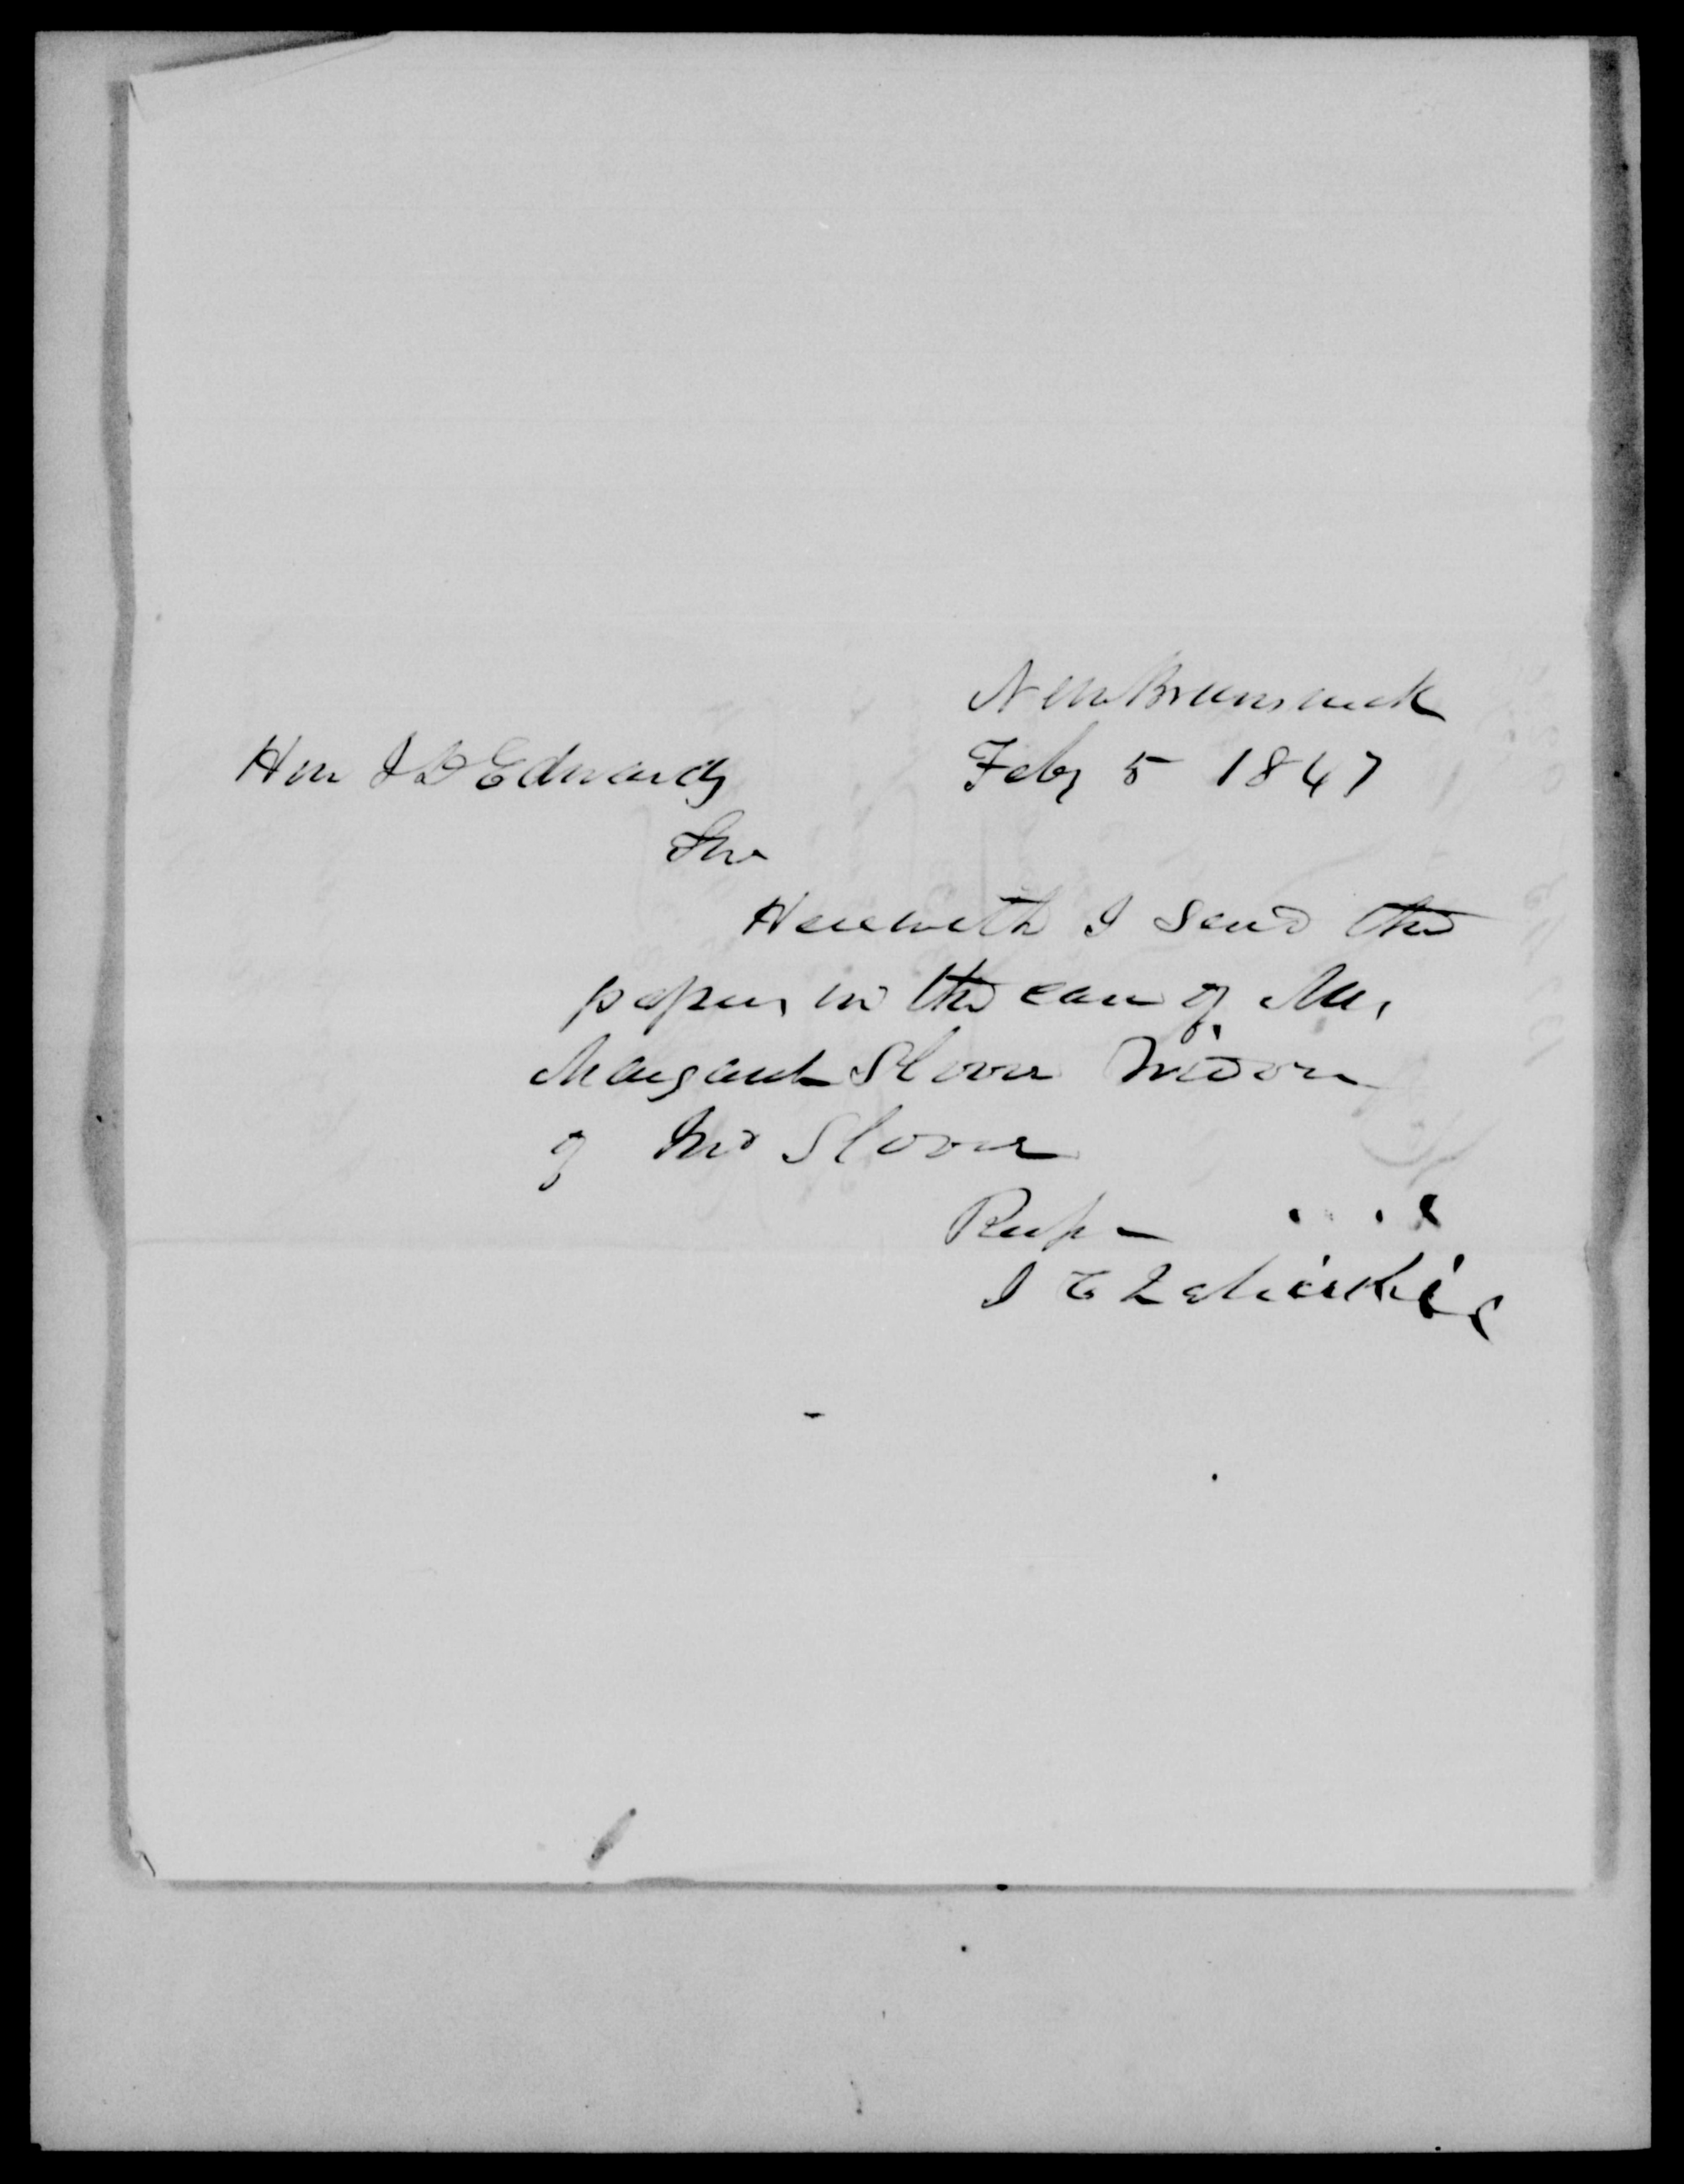New Brunswick
Feb. 5, 1847

Hon J.L. Edwards

Sir,

Herewith, I send the papers in the case of Mrs. Margaret Slover, widow of Jno. Slover.

Resp(ectfully),
s/ J.C. Zabrieskie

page: 37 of 46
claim: widow's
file: W. 6205, for John Slover, New Jersey